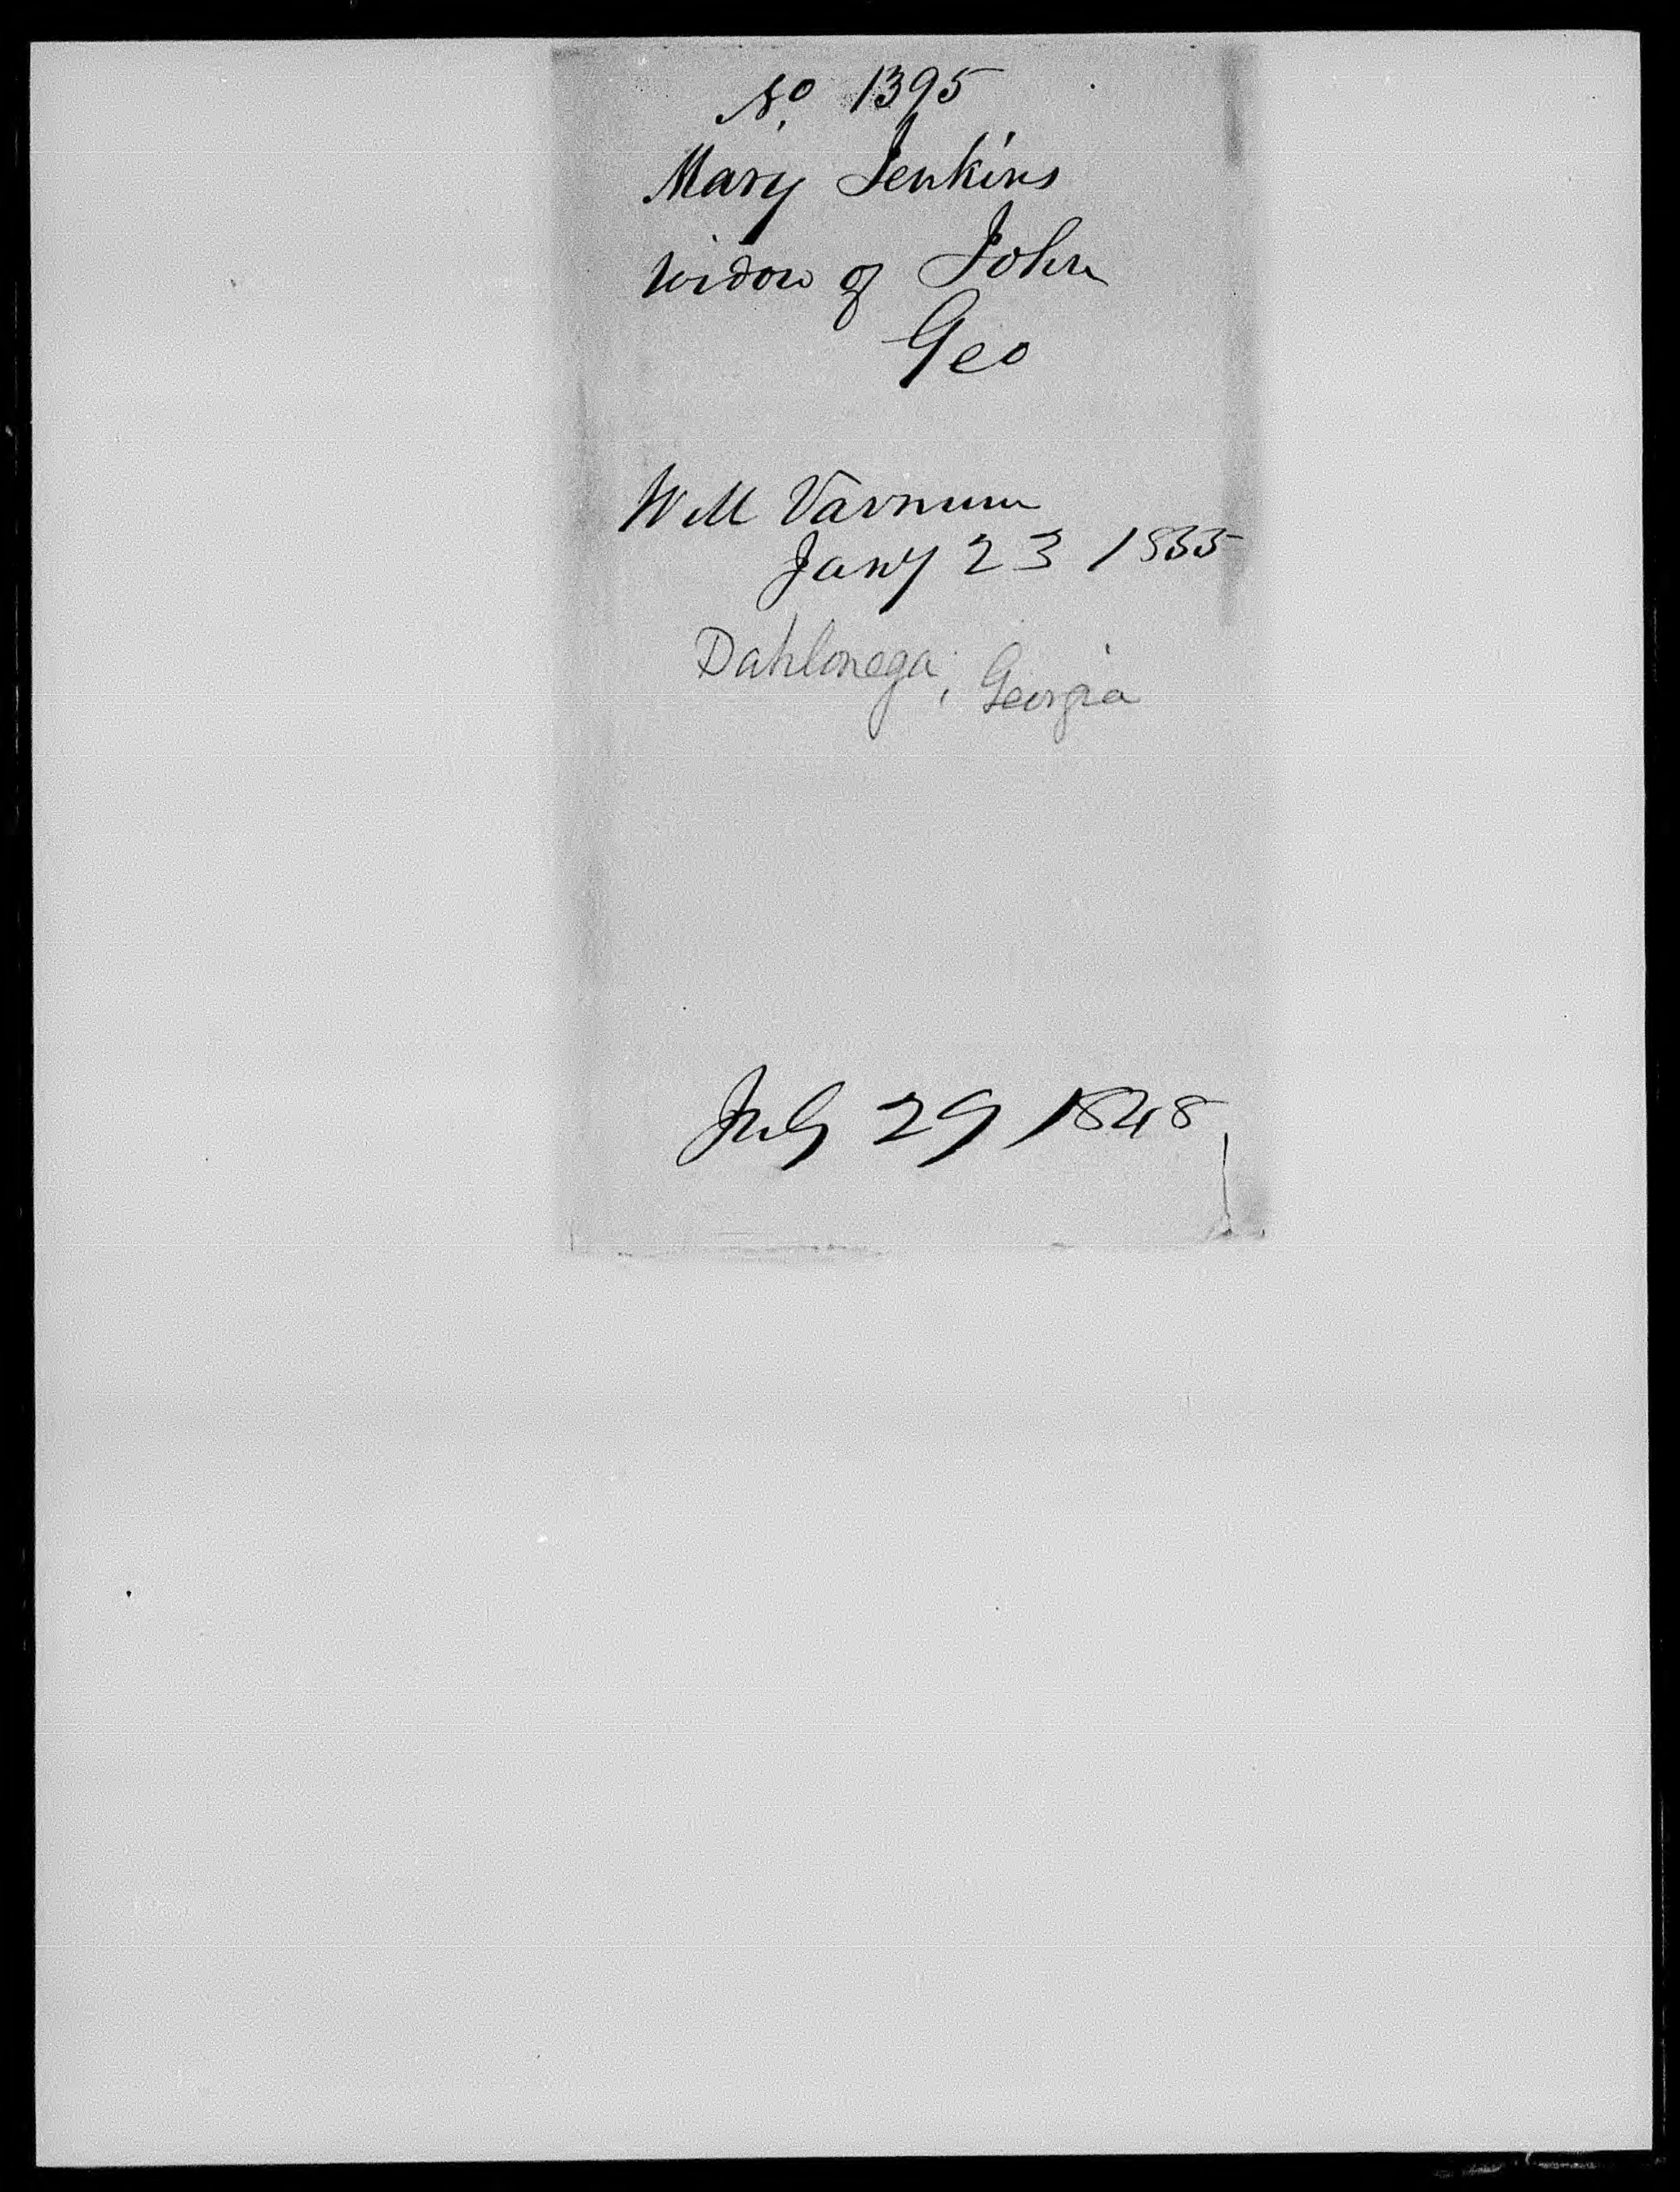No. 1395
Mary Jenkins
widow of John
Geo
Will Varnum
Jany 23 1835
Dahlonega, Georgia
July 29 1848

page: 48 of 55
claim: widow's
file: W. 7894, for John Jenkins, Virginia